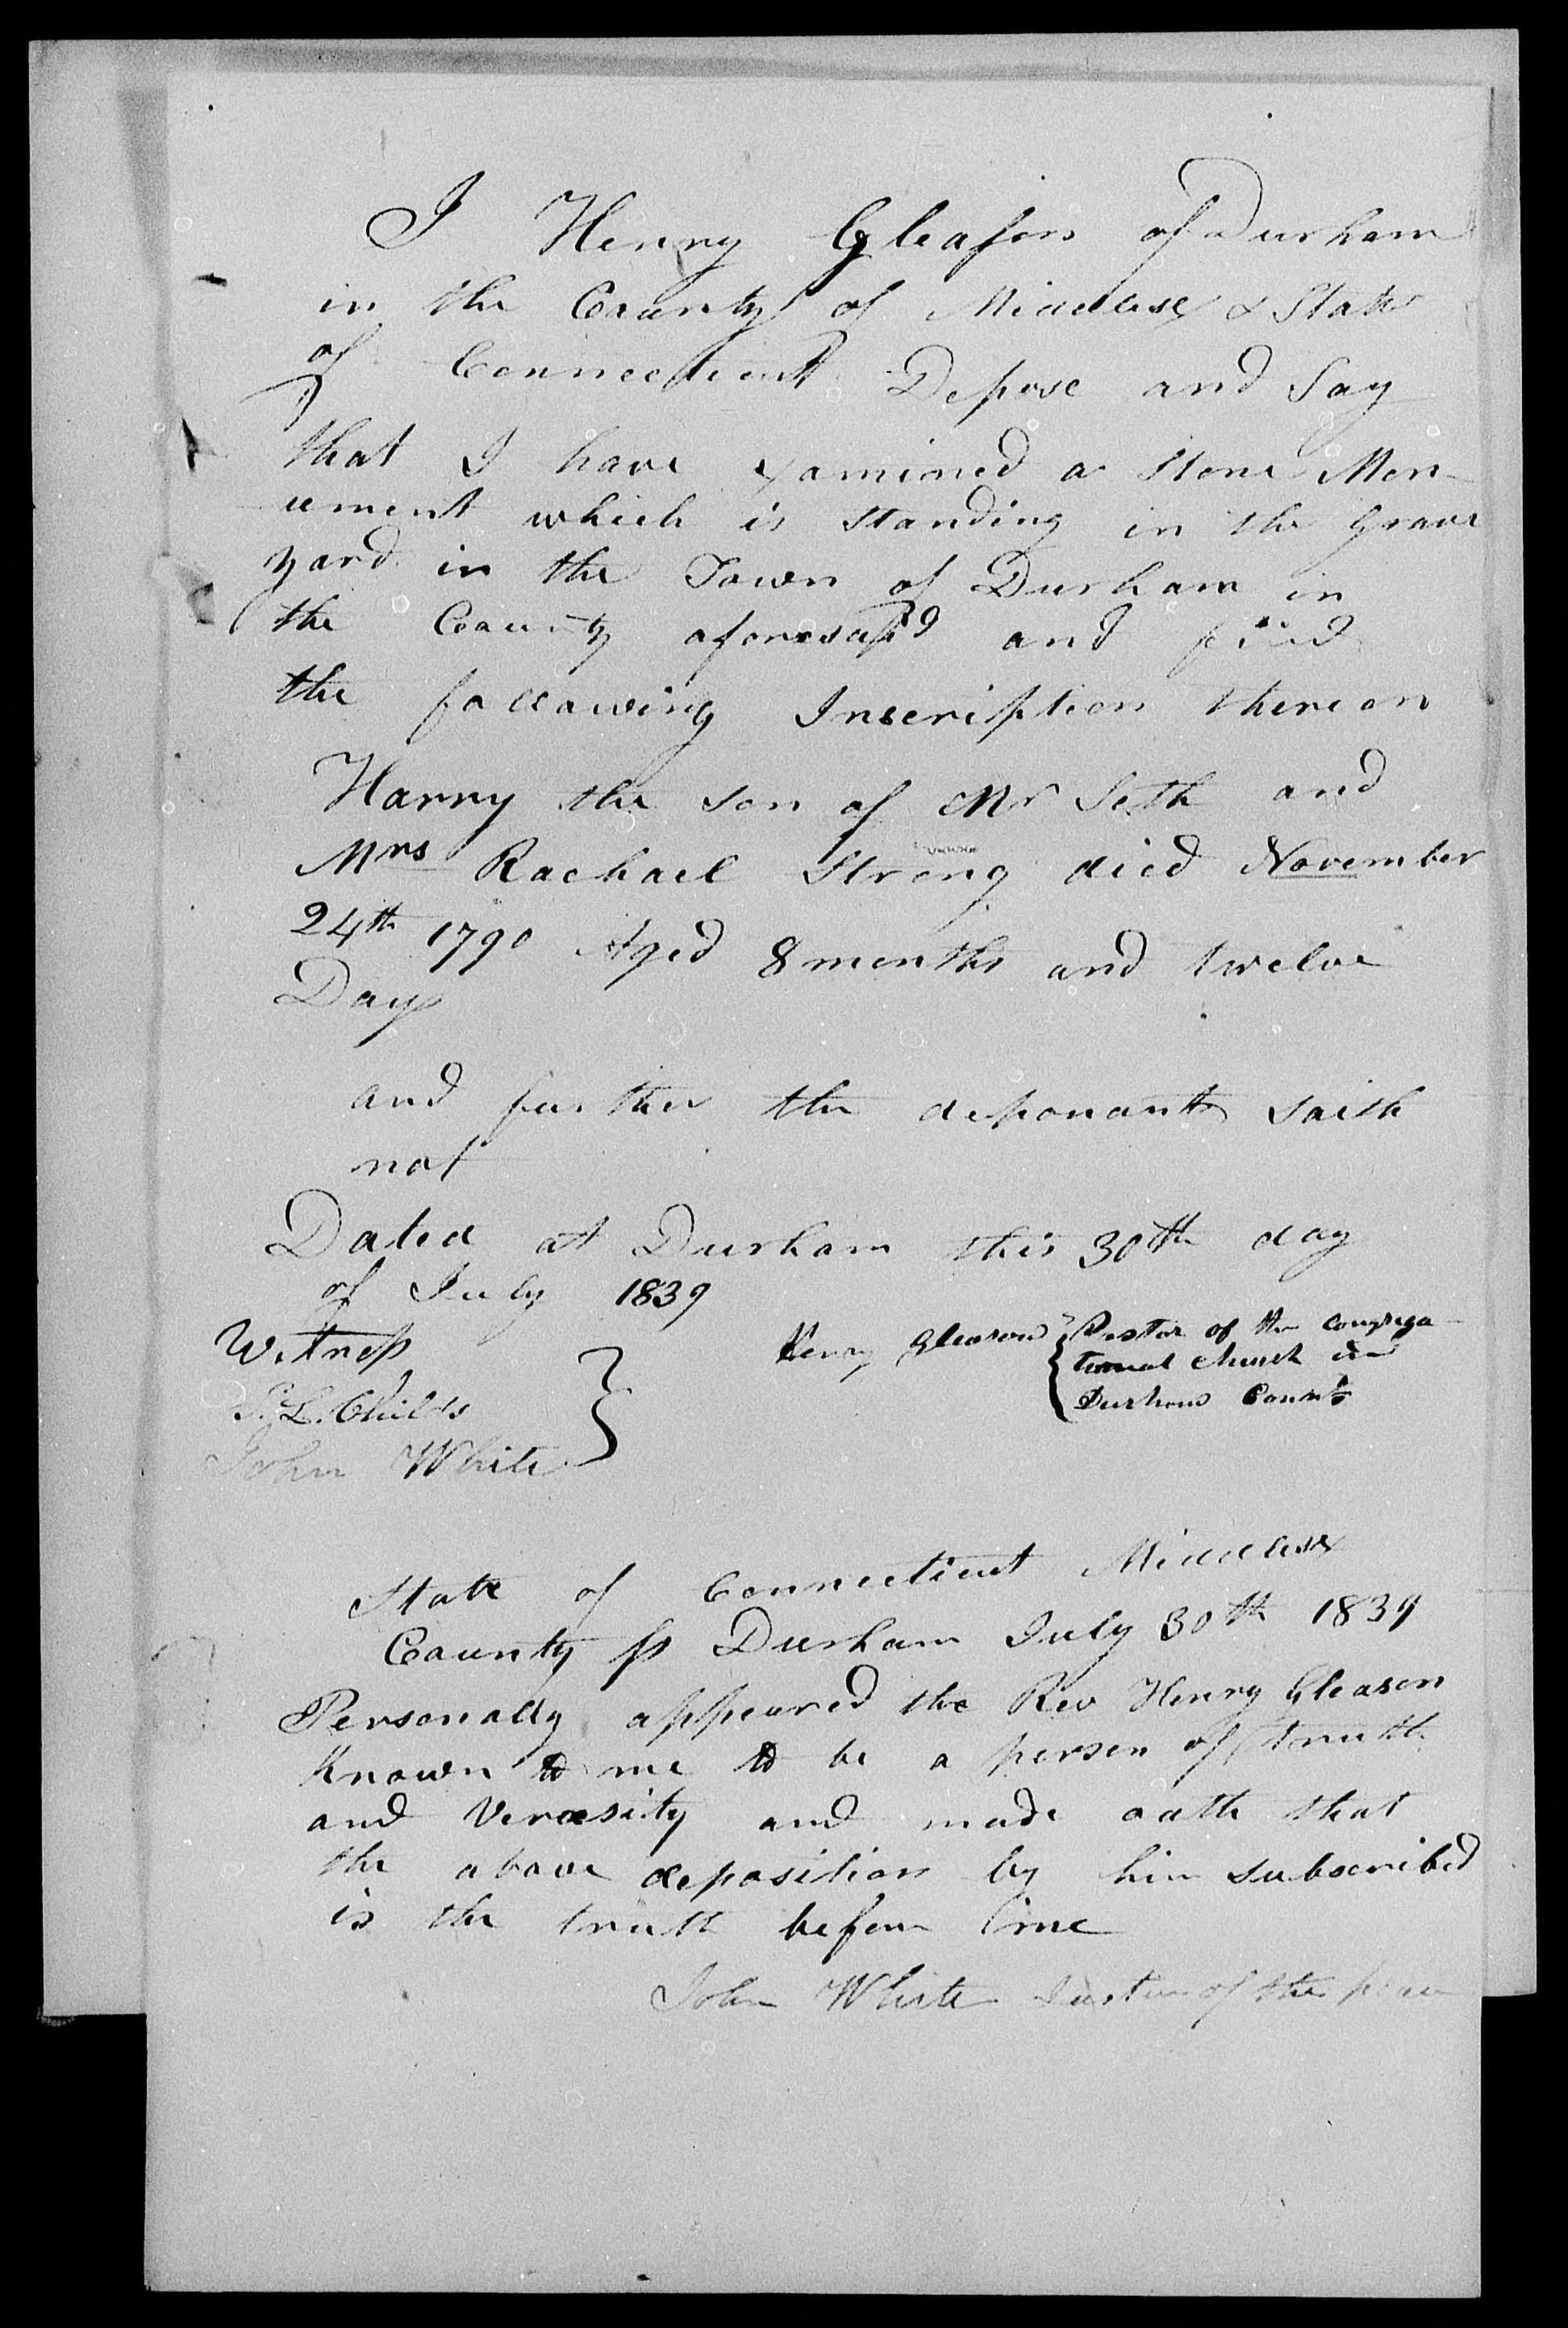I Henry Gleason of Durham in the County of Middlesex & State of Connecticut Depose and Say that I have examined a Stone Monument which is standing in the Grave yard in the Town of Durham in the County aforesaid and find the following Inscription thereon
Harry the son of Mr Seth and Mrs Rachael Strong died November 24th 1790 Aged 8 months and twelve Days
and further the deponant saith not

Dated at Durham this 30th day of July 1839

Henry Gleason Pastor of the Congregational church in Durham Conn

Witness
S. L. Childs
John White

State of Connecticut Middlesex County ss Durham July 30th 1839

Personally appeared the Rev Henry Gleason known to me to be a person of truth and Verasity and made oath that the above deposition by him subscribed is the truth before me

John White  Justice of the Peace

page: 39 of 47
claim: widow's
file: W. 17879, for Seth Strong, Connecticut